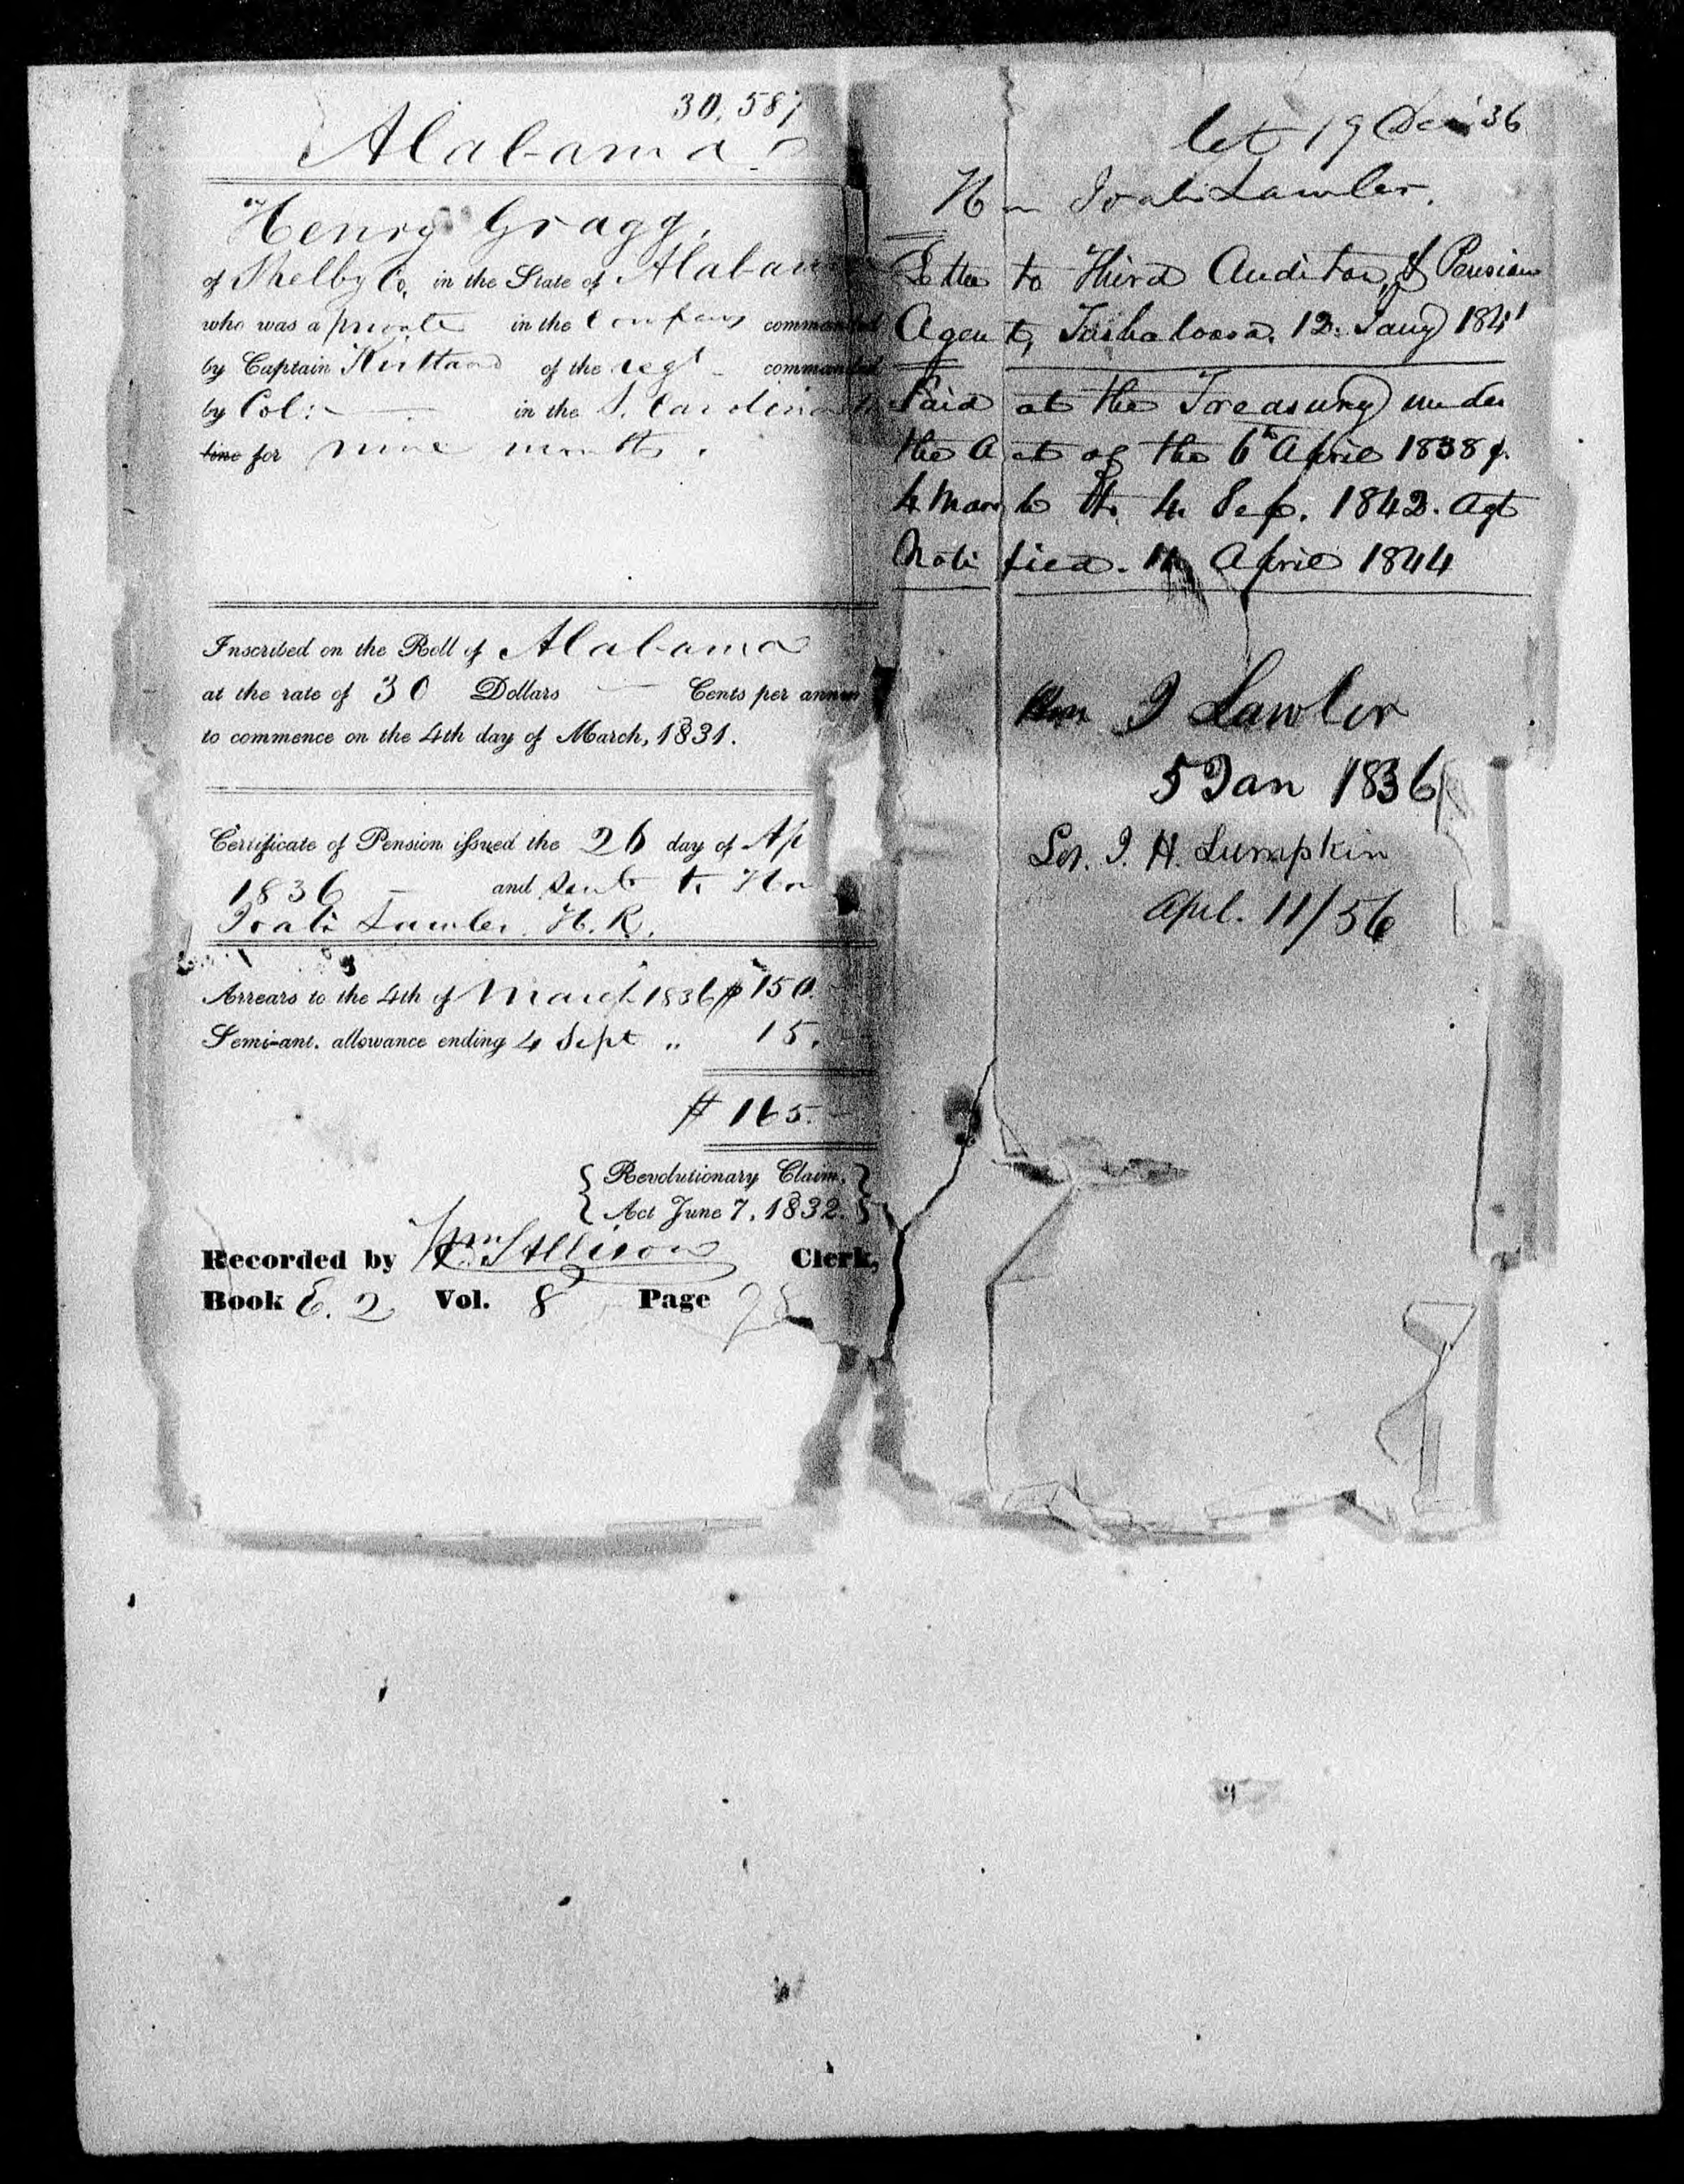30,587 Alabama  Henry Gragg  of Shelby Co. in the State of Alabama  who was a private in the company commanded by  Captain Kirtland  of the regt commanded by Col. __ in the  S. Carolina line for nine months . Inscribed on the Roll of Alabama  at the rate of 30 Dollars __ Cents per annum to commence on the  4th day of March 1831, Certificate of Pension issued  the 26 day of Apr 1836  and sent to  Hon Joab Lawler  H.R. Arrears to the  4th March  1836 $ 150 Semi-anl allowance ending  4 Sept 36  $ 15. ( total ( $ 165 ) { Revolutionary Claim Act June 7, 1832. ] Recorded by Wm Allison Clerk Book  E.2 Vol. 8 Page 28  ( right  page )  let 19 Dec ' 36  joab Lawler  Letter to Third Auditor of Pension Agent Tuscaloosa  12 Jany 1841  Paid at the Treasury  under the act of the 6th April 1838  & 4th march  to 4 Sep. 1843  Agt notified 11 April 1844  Hon  J. Lawler  5 Jan 1836  Let. J. H. Lumpkin  Apl 11/ 56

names: J Lawler, Kirtland, Joab Lawler, Wm L Allison, Joab Lawler, Henry Gragg, J H Lumpkin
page: 2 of 18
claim: survivor's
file: S. 10,773, Henry Gragg, S.C.